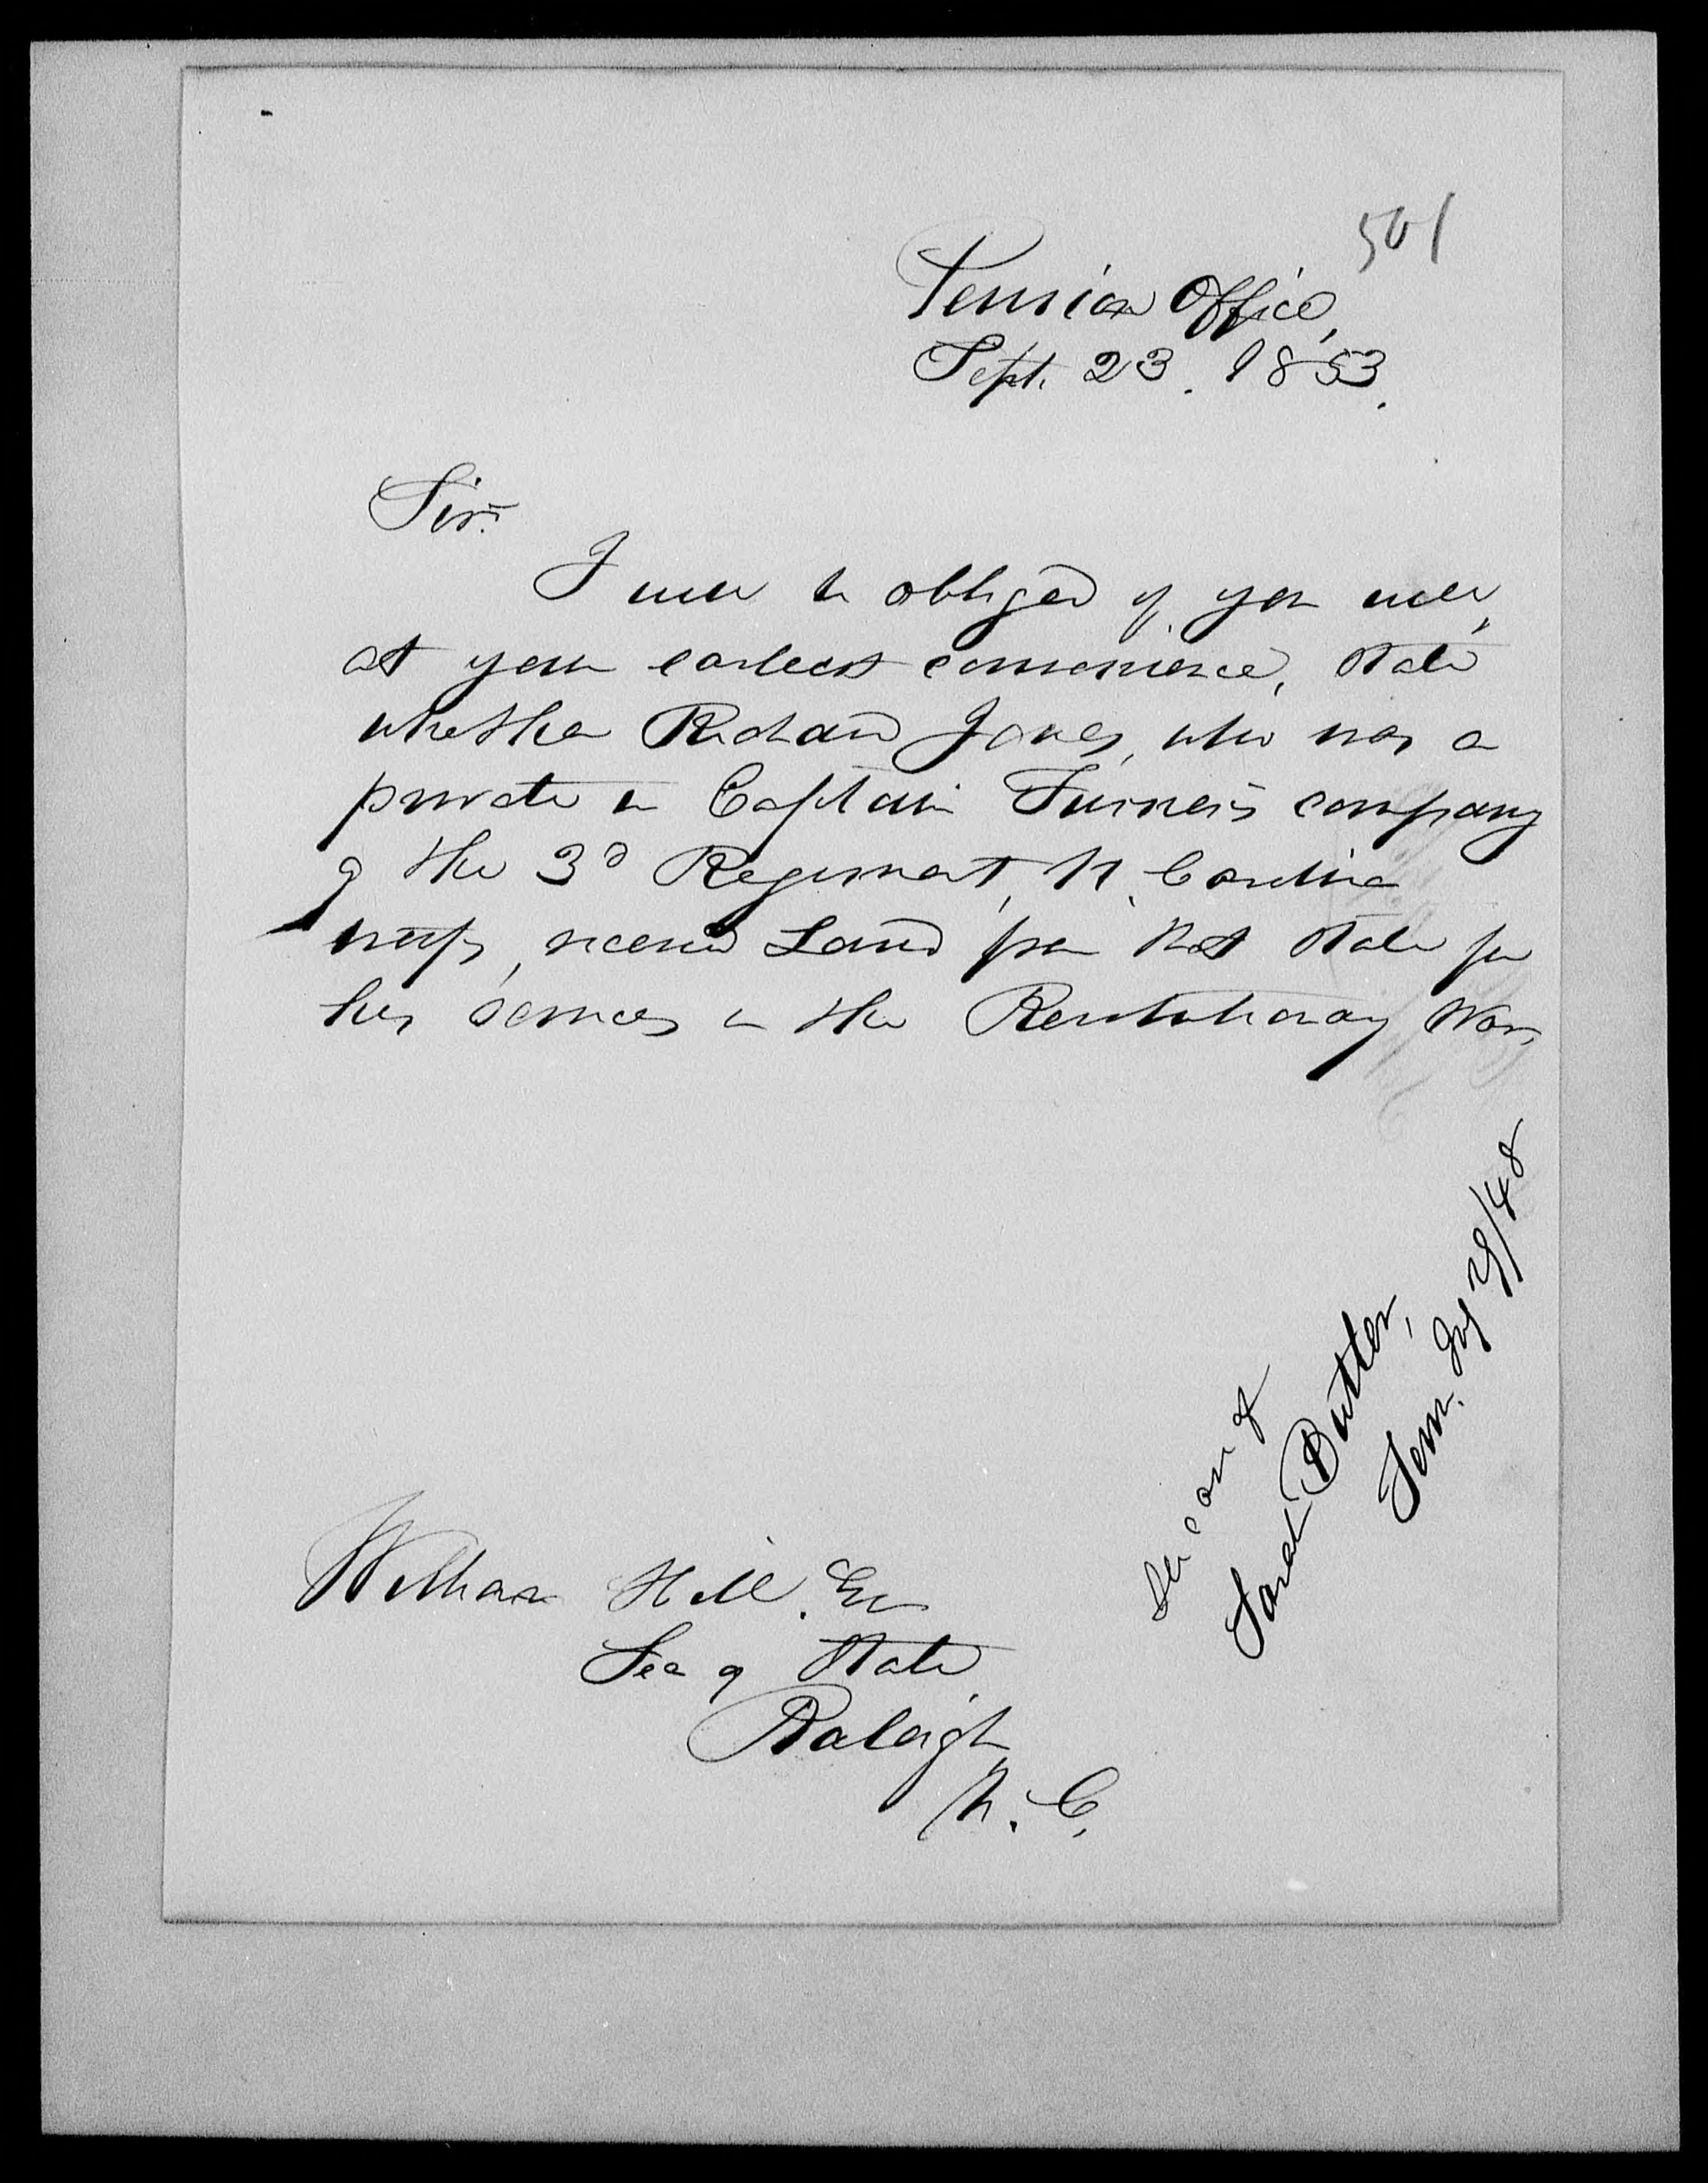501

Pension Office,
Sept. 23. 1853

Sir,

I will be obliged if you will
at your earliest convenience state
whether Richard Jones, who was a 
private in Captain Turner's company
of the 3d Regiment, N. Carolina
troops, secured Land for that state for 
his services in the Revolutionary War


William Hill, Esq
Sec of State
Raleigh
N.C.


[note on the right margin]
see case of 
Sarah Butler, 
Tenn. July 29/48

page: 24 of 33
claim: rejected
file: R. 1554, for Richard Jones, North Carolina